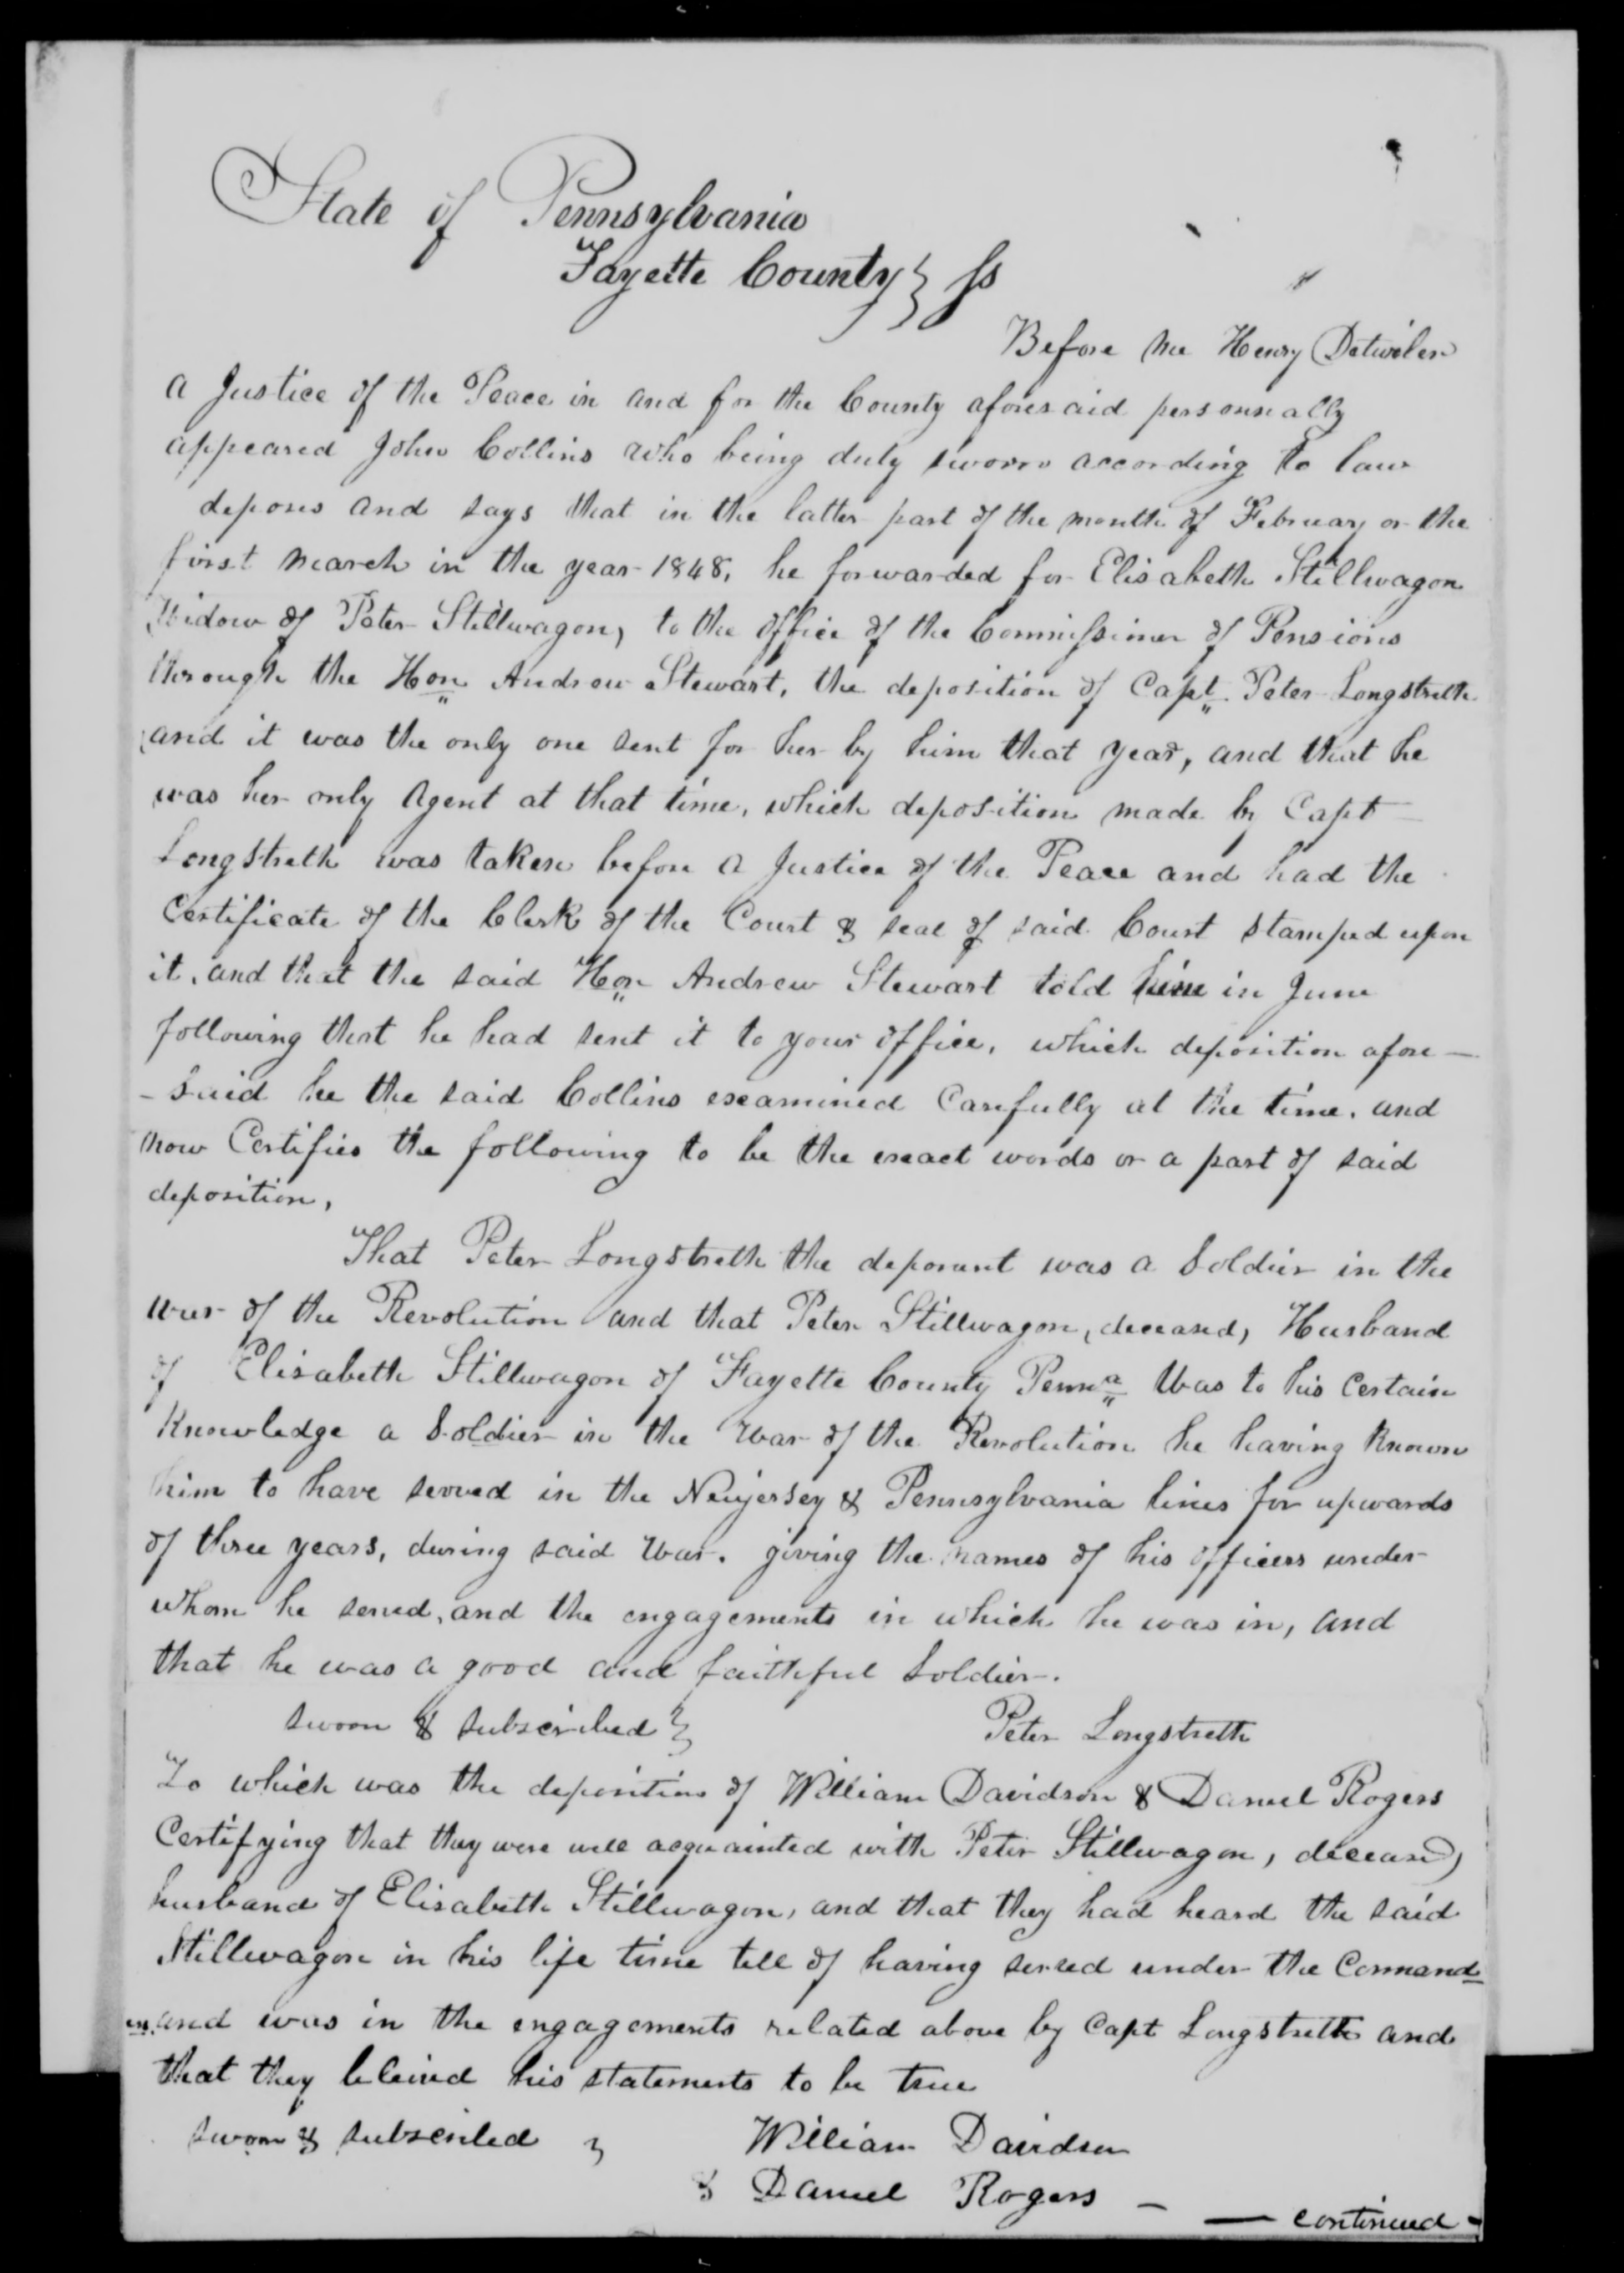State of Pennsylvania.
Fayette County


Before me, Henry [illegible] a Justice of the Peace in and for the county aforesaid personally appeared John Collins, who, being duly sworn, according to law, deposes and says that in the latter part of the month of February, or the first March in the year 1848; he forwarded for Elisabeth Stillwagon, widow of Peter Stillwagon, to the office of the Commissioner of Pensions through the Honorable Andrew Stewart, the deposition of Captain Peter Longstreth, and it was the only one sent for her by him that year, and that he was her only agent at that time, which deposition made by Captain Longstreth was taken before a Justice of the Peace, and had the Certificate of the Clerk of the Court and seal of said Court stamped upon it, and that the said Honorable Andrew Stewart told him in June following that he had sent it to your office, which deposition aforesaid, he said, Collins examined carefully at the time, and now certifies the following to be the exact words, or a part of said deposition.

That Peter Longstreth, the deposed was a soldier in the War of the Revolution, and that Peter Stillwagon, deceased, husband of Elisabeth Stillwagon of Fayette County, Penna was to his certain knowledge the soldier in the War of the Revolution, he having known him to have served in New Jersey and Pennsylvania lines for upwards of three years, during said War, giving the names of his officers, under whom he served, and the engagements in which he was in, and that he was a good and faithful soldier.

Sworn and subscribed		 Peter Longstreth

To which was the depositions of William Davidson and Daniel Rodgers certifying that they were acquainted with Peter Stillwagon, deceased, husband, of Elisabeth, Stillwagon, and that they had heard the said Stillwagon in his lifetime tell of having served under the command, and was in the engagements related above by Captain Longstreth, and that they believe his statement to be true.

Sworn and subscribed,		William Davidson and Daniel Rodgers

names: [BLANK] Stillwagon; Peter Stillwagon; [BLANK] Collins; Elisabeth Stillwagon; [BLANK] Longstreth; [BLANK] Longstreth; Peter Longstreth; Peter Stillwagon; Peter Longstreth; William Davidson; Daniel Rogers; Peter Stillwagon; Daniel Rogers; Elisabeth Stillwagon; Elisabeth Stillwagon; John Collins; Andrew Stewart; Peter Longstreth; William Davidson; Andrew Stewart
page: 69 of 73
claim: widow's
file: W. 3197, for Peter Stillwagon, New Jersey